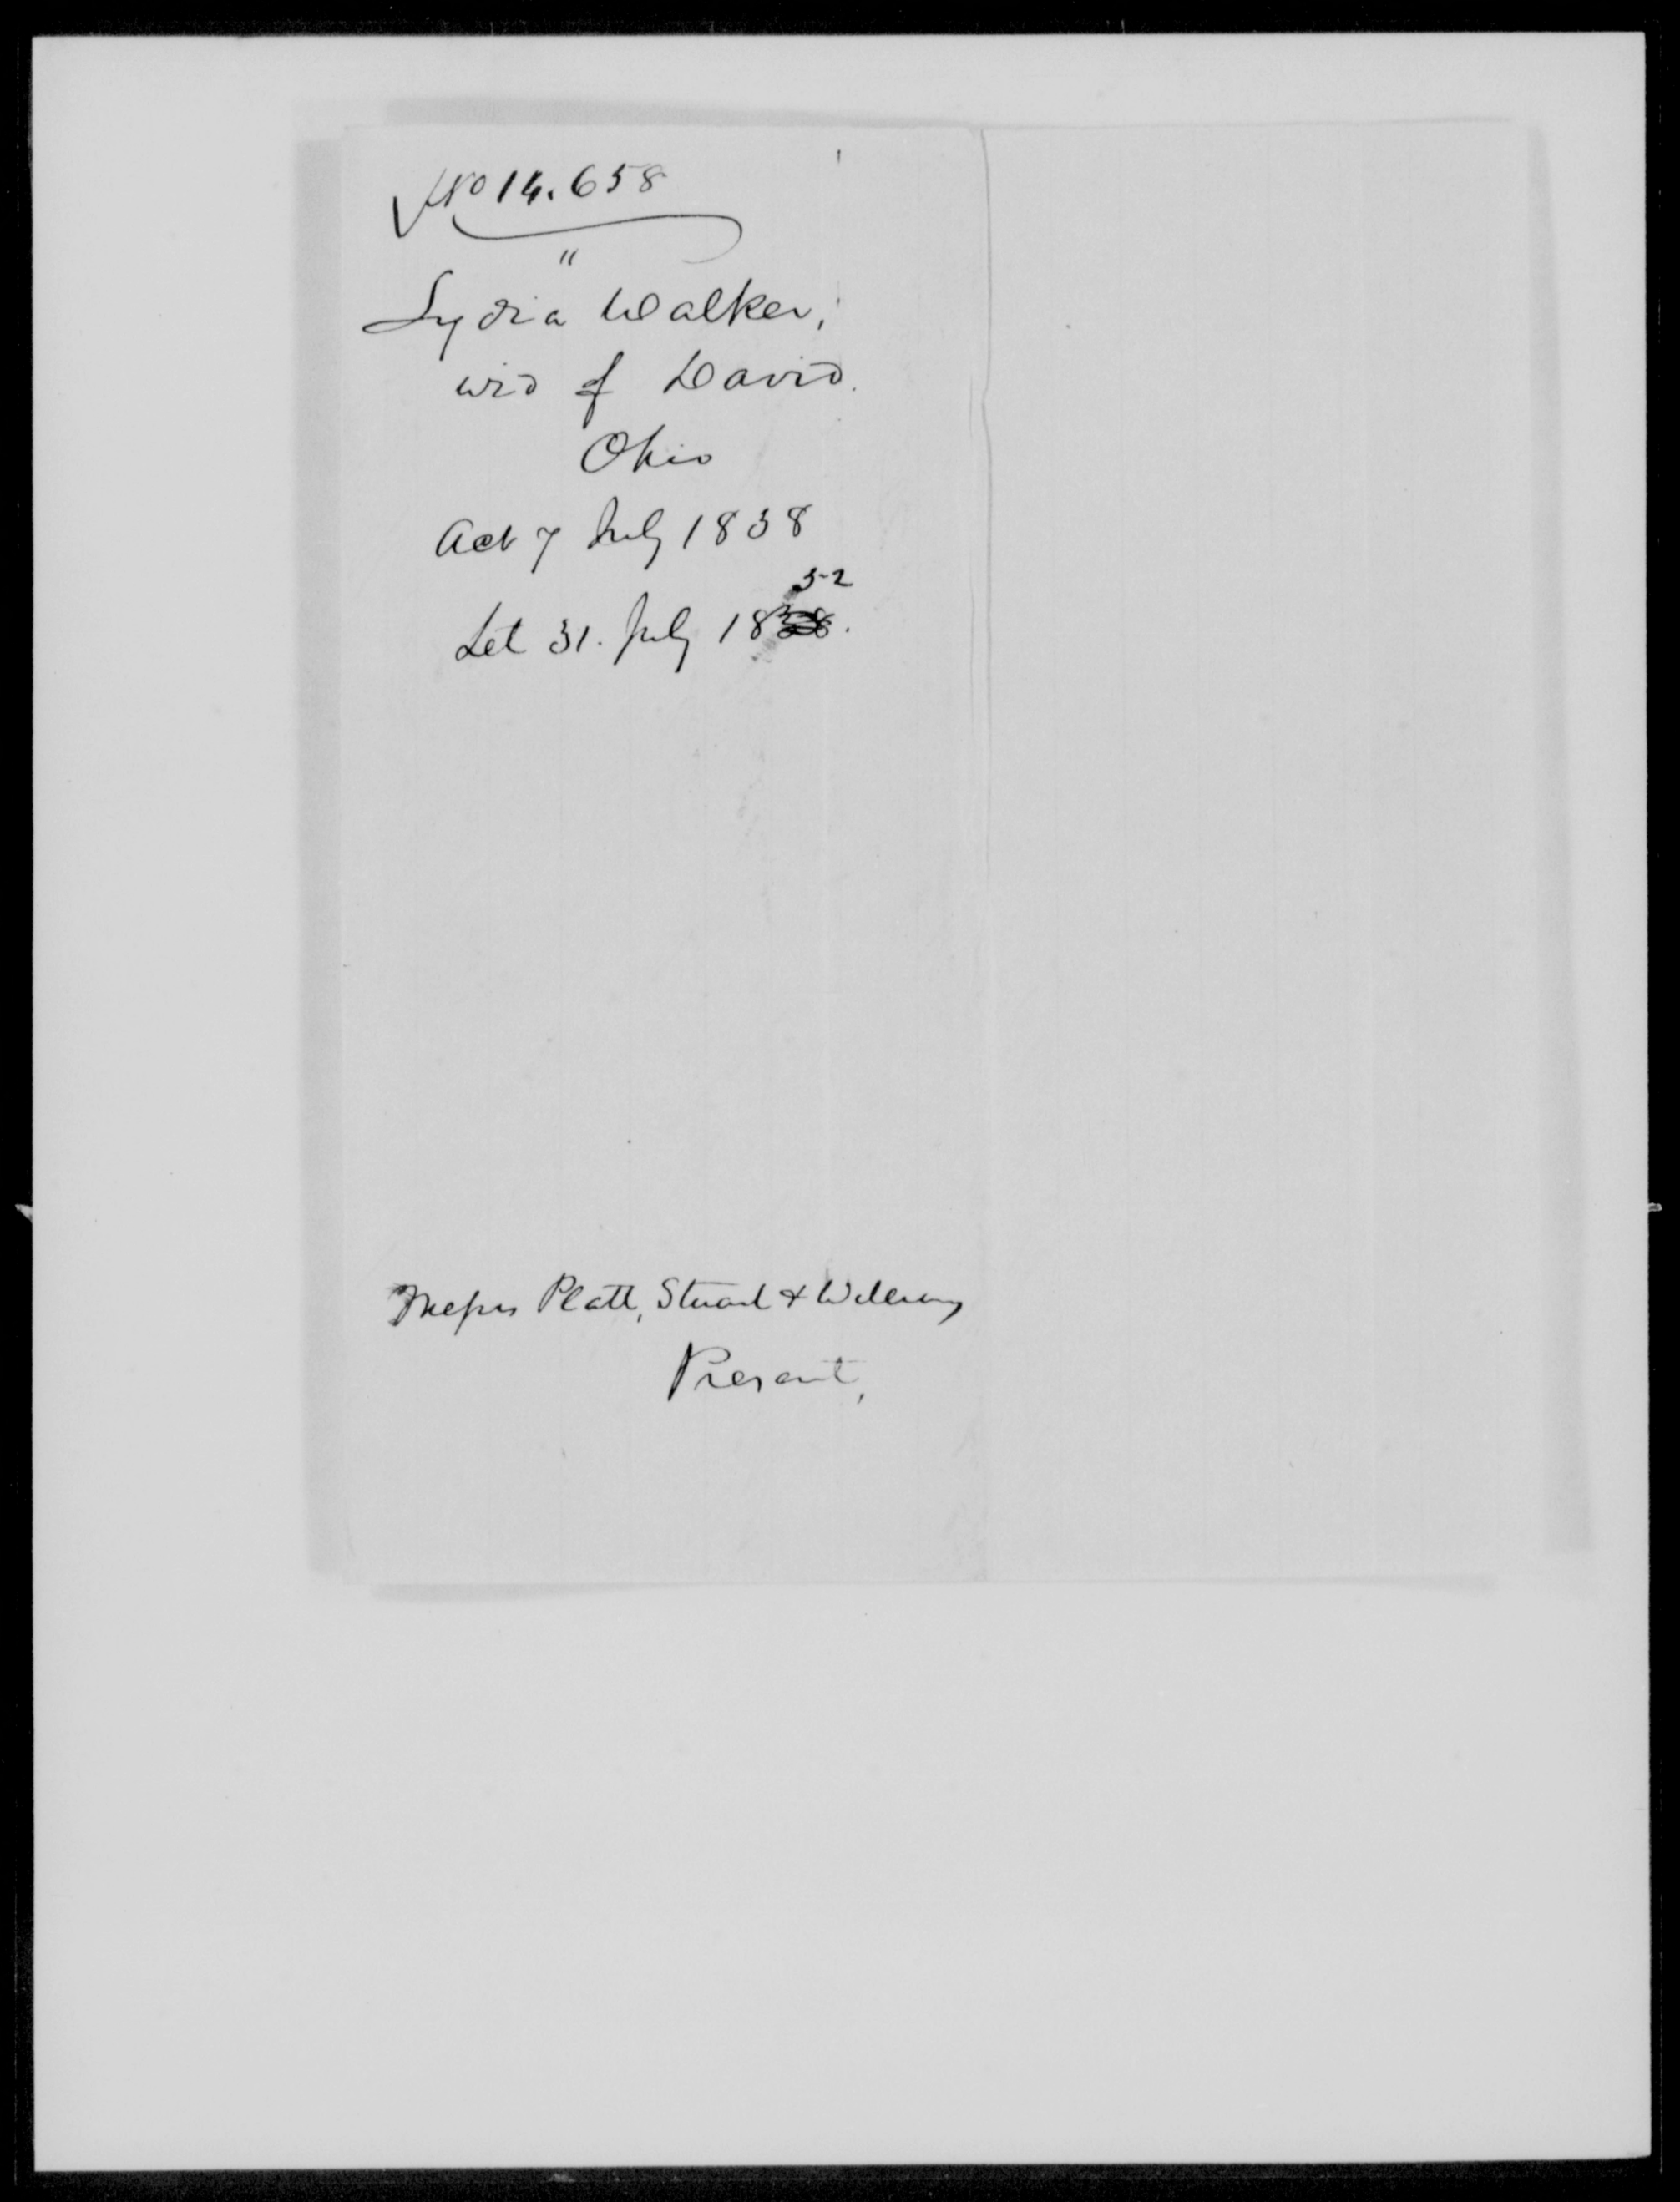No 14.658
Lydia Walker
Widow of David
Ohio
Act 7 July 1838
Let 31 July 1838
Messer Platt, Stuart & William
Present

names: Lydia Walker, David Walker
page: 27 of 37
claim: rejected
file: R. 11047, David Walker, N.C.